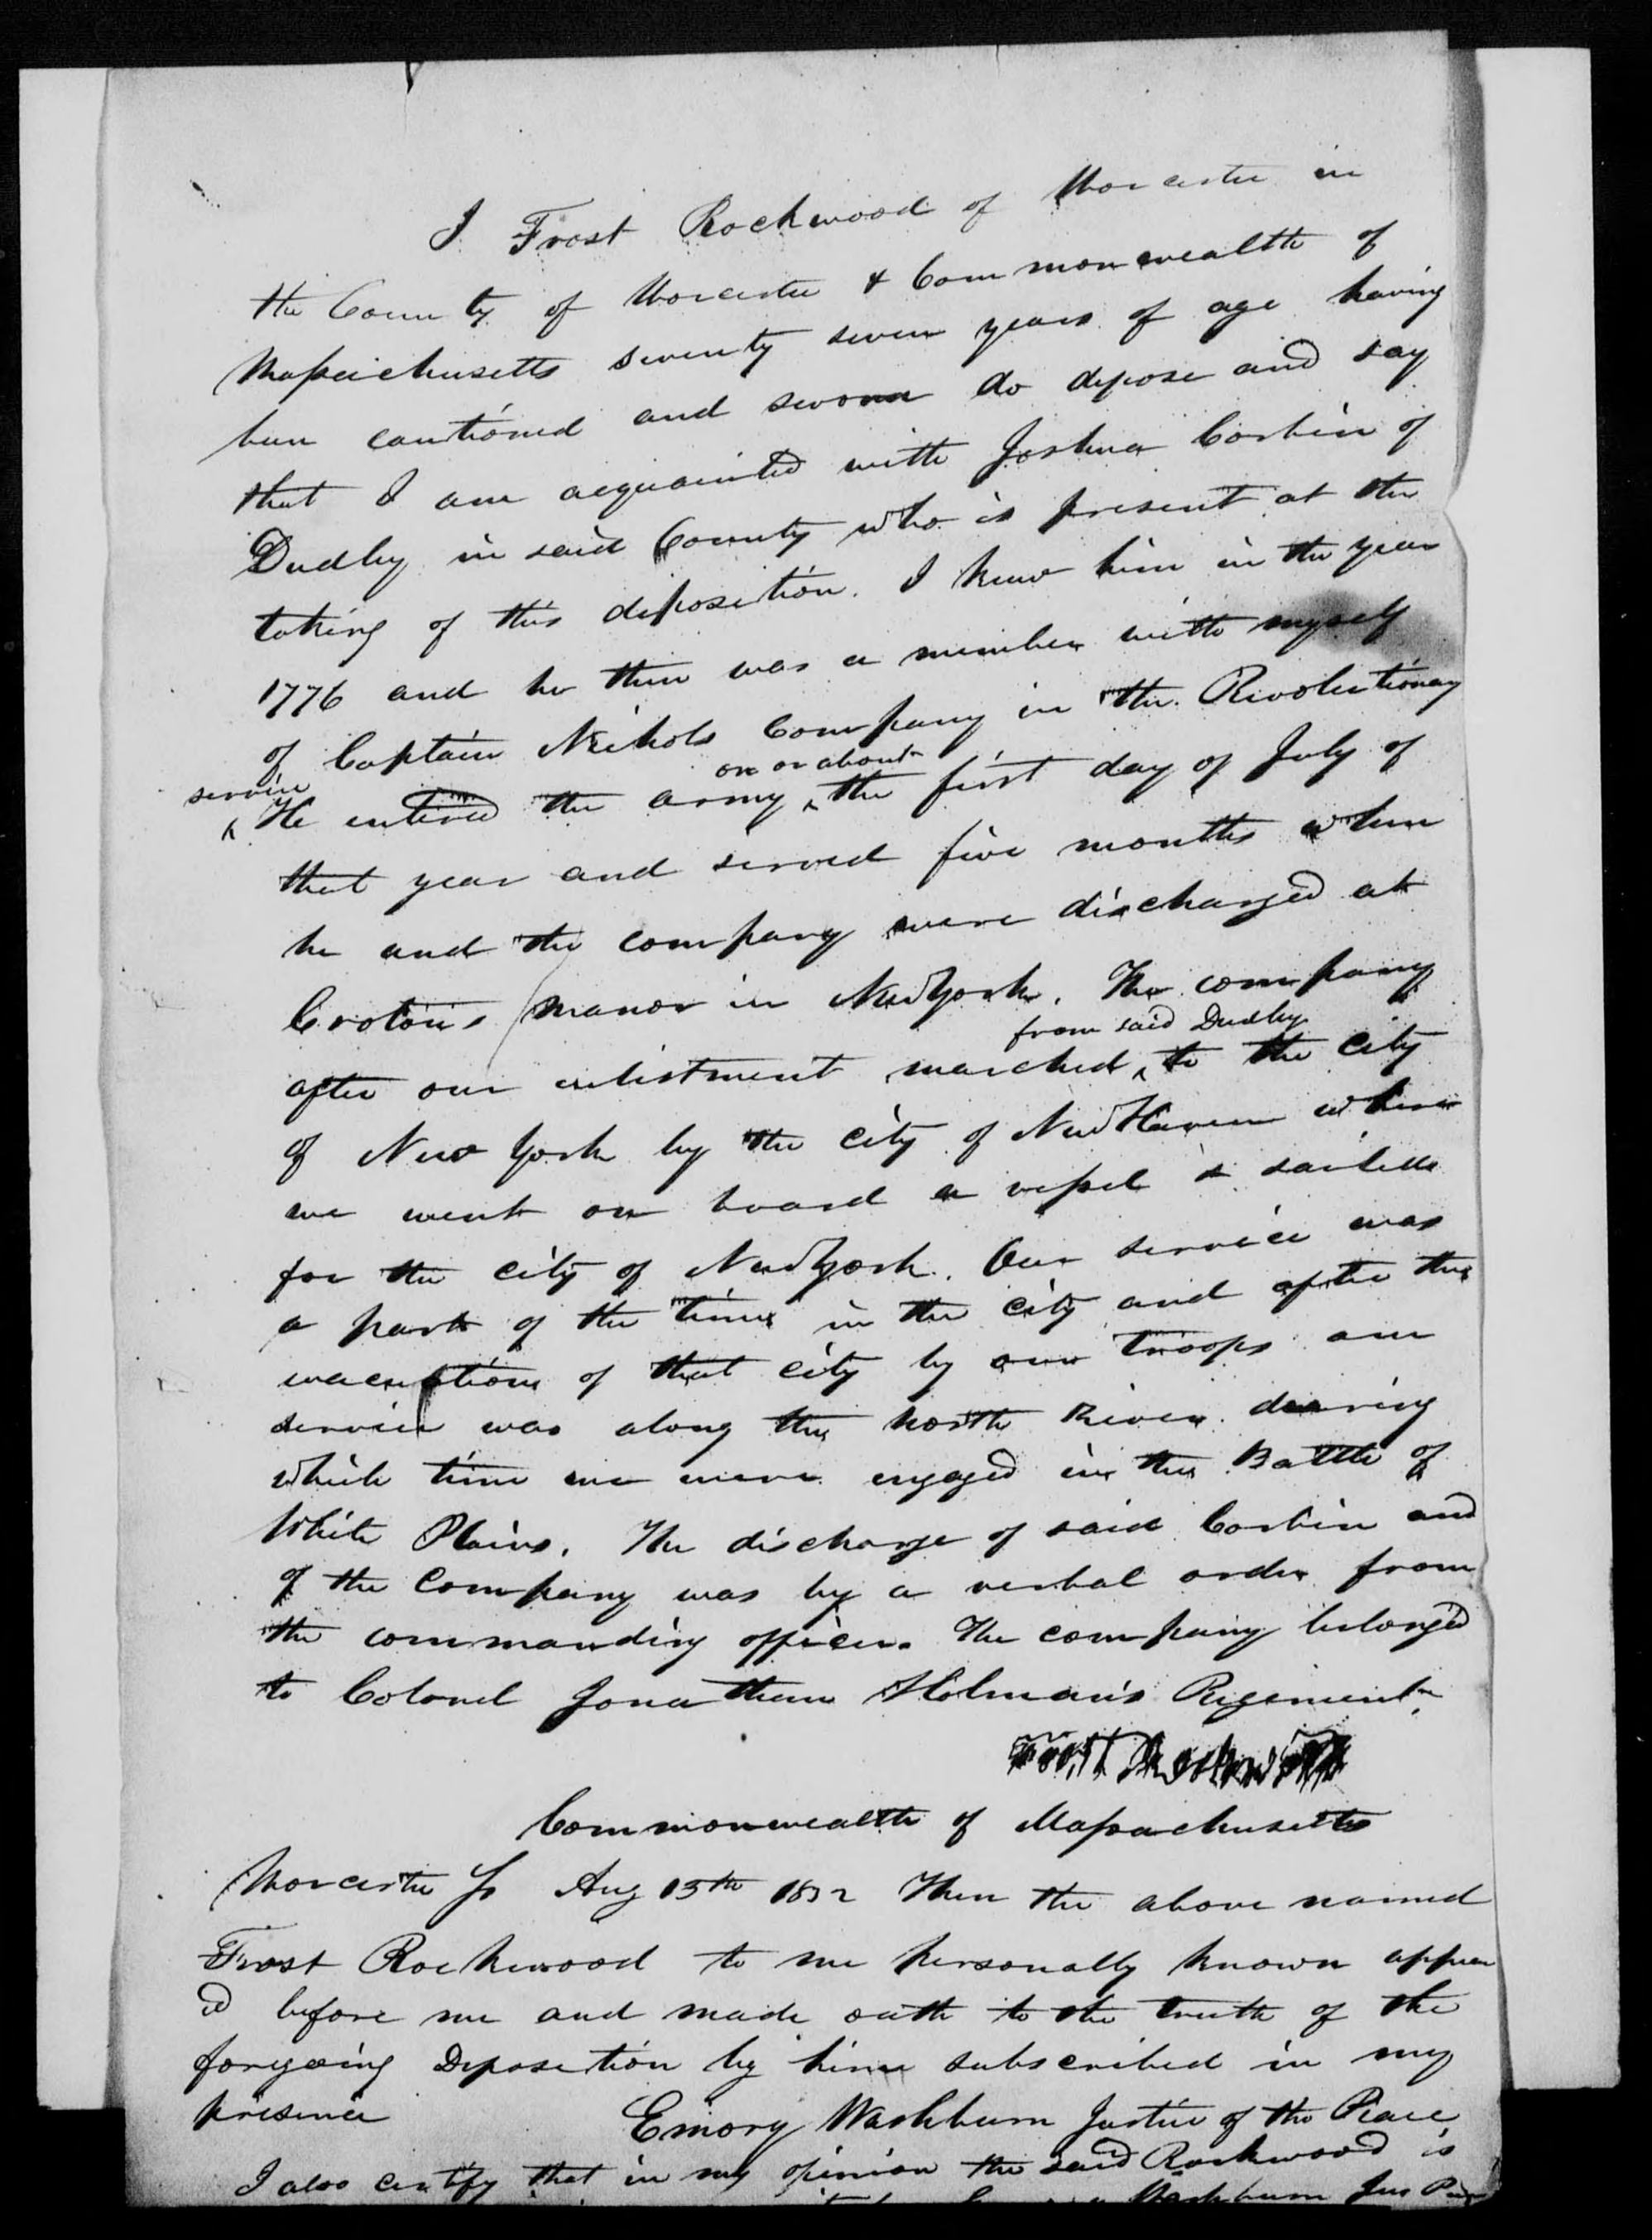I Frost Rockwood of Worcester in the County of Worcester & Commonwealth of
Massachusetts seventy seven years of age
having be cautioned and sworn do depose and  that I am acquainted with Joshua Corbin of
Dudley in said County who is present at the
taking of this deposition. I saw him in the year
1776 and he then was a member with myself of 
Captain Nichols Company in the Revolutionary service He entered the army on or about the first day of July of that year and served five months when he and the company were discharged at
Croton's manor in New York. The company after our enlistment marched from said Dudley to the City of New York by the City of New Haven where we went on board a vessel & sailed for the City of New York. Our service was a part of the time in the City and after the evacuation of that city by our troops our service was along the North River during which time we were engaged in the Battle of White Plains. The discharge of said Corbin and
of the company was by a verbal order from the commanding officer. The company belonged
to Colonel Jonathan Holman's Regiment.
Frost Rockwood

Commonwealth of Massachusetts
Worcester ss Aug 15th 1832 Then the above named Frost Rockwood to me personally known appeared before me and made oath to the truth of the foregoing Deposition by him subscribed in my presence
Emory Washburn Justice of the Peace
I also certify that in my opinion the said Rockwood is
[cut off text] Washburn Jus Peace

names: Emory Washburn, Joshua Corbin, Frost Rockwood, Frost Rockwood, Rockwood, Corbin, Frost Rockwood, Washburn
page: 33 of 34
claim: survivor's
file: S. 12581, Joshua Corbin, Mass.